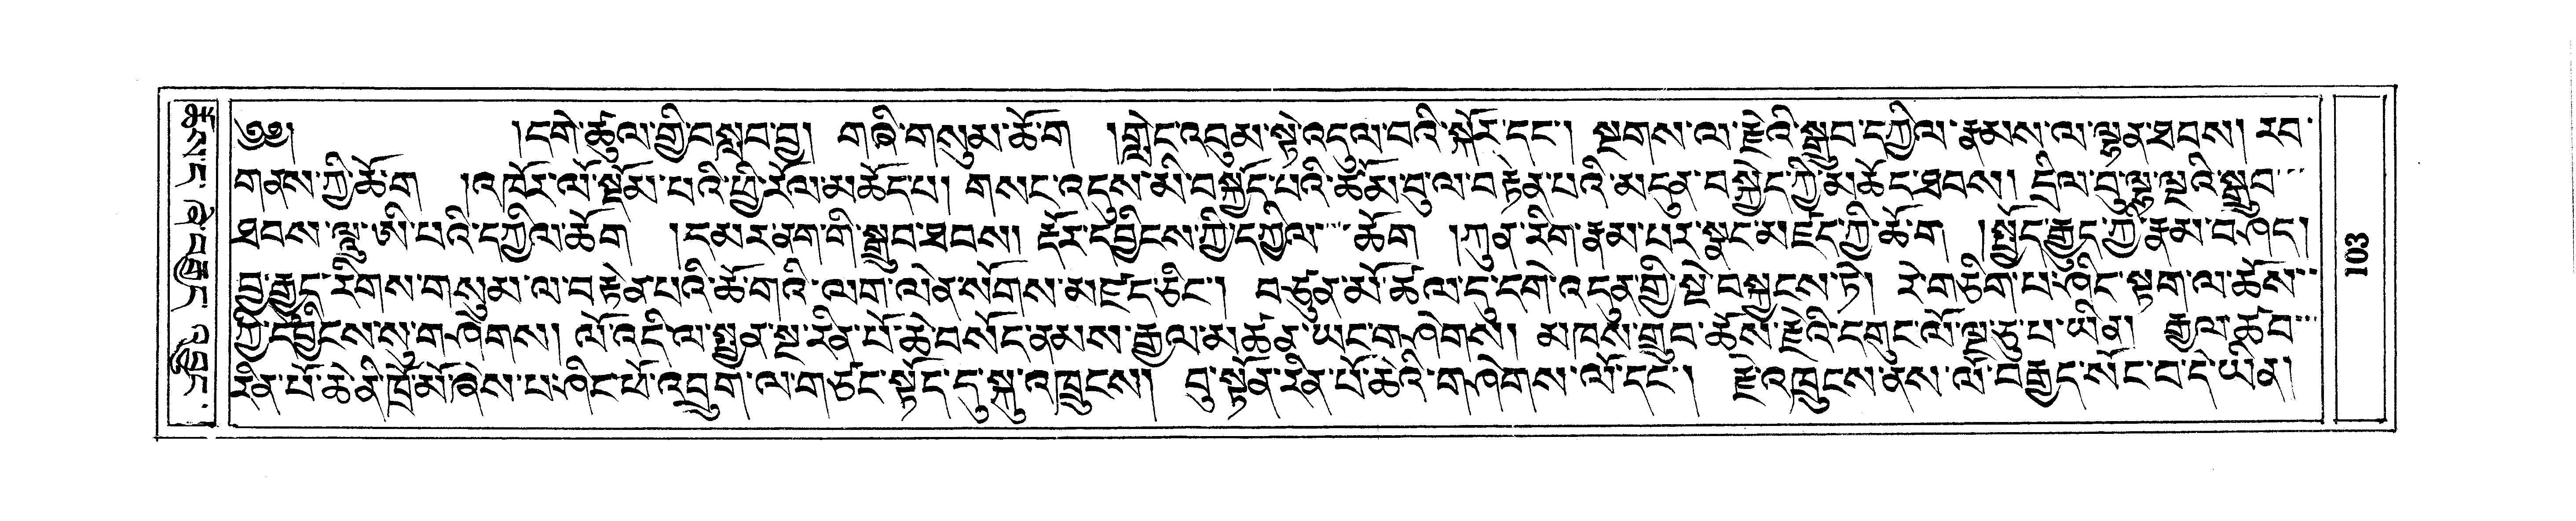༄༅། །དགེ་ཚུལ་གྱི་བསླབ་བྱ། གཞི་གསུམ་ཆོ་ག །གླེང་འབུམ་སྟེ་འདུལ་བའི་སྐོར་དང་། སྔགས་ལ་རྗེའི་སྒྲུབ་དཀྱིལ་རྣམས་ལ་ལྷན་ཐབས། རབ་
གནས་ཀྱི་ཆོ་ག །འཁོར་ལོ་སྡོམ་པའི་ཕྱི་རོལ་མཆོད་པ། གསང་འདུས་མི་བསྐྱོད་པའི་ཚོམ་བུ་ལ་བརྟེན་པའི་མདུན་བསྐྱེད་ཀྱི་མཆོད་ཐབས། དྲིལ་བུ་ལྷ་ལྔའི་སྒྲུབ་
ཐབས་ལཱུ་ཨི་པའི་དཀྱིལ་ཆོག །དམར་ནག་གི་སྒྲུབ་ཐབས། རྡོར་དབྱིངས་ཀྱི་དཀྱིལ་ཆོག །ཀུན་རིག་རྣམ་པར་སྣང་མཛད་ཀྱི་ཆོ་ག །སྤྱོད་རྒྱུད་ཀྱི་རྣམ་བཤད།
བྱ་རྒྱུད་རིགས་གསུམ་ལ་བརྟེན་པའི་ཆོ་གའི་ལག་ལེན་སོགས་མཛད་ཅིང་། བཙུན་མོ་ཚལ་དུ་དགེ་འདུན་གྱི་སྔེ་བསྐྱངས་ཏེ། རེ་གཅིག་པ་ཤིང་སྟག་ལ་ཆོས་
ཀྱི་དབྱིངས་སུ་གཤེགས། ལོ་འདི་ལ་སྤྱན་སྔ་རིན་པོ་ཆེ་བསོད་ནམས་རྒྱལ་མཚན་ཡང་གཤེགས། མཁས་གྲུབ་ཆོས་རྗེའི་དགུང་ལོ་ལྔ་བཅུ་པ་ཡིན། རྒྱལ་ཚབ་
རིན་པོ་ཆེ་ནི་ཁྲོ་མོ་ཞེས་པ་ཤིང་ཕོ་འབྲུག་ལ་གཙང་སྟོད་དུ་སྐུ་འཁྲུངས། བུ་སྟོན་རིན་པོ་ཆེའི་གཤེགས་ལོ་དང་། རྗེ་འཁྲུངས་ནས་ལོ་བརྒྱད་སོང་བ་དེ་ཡིན།